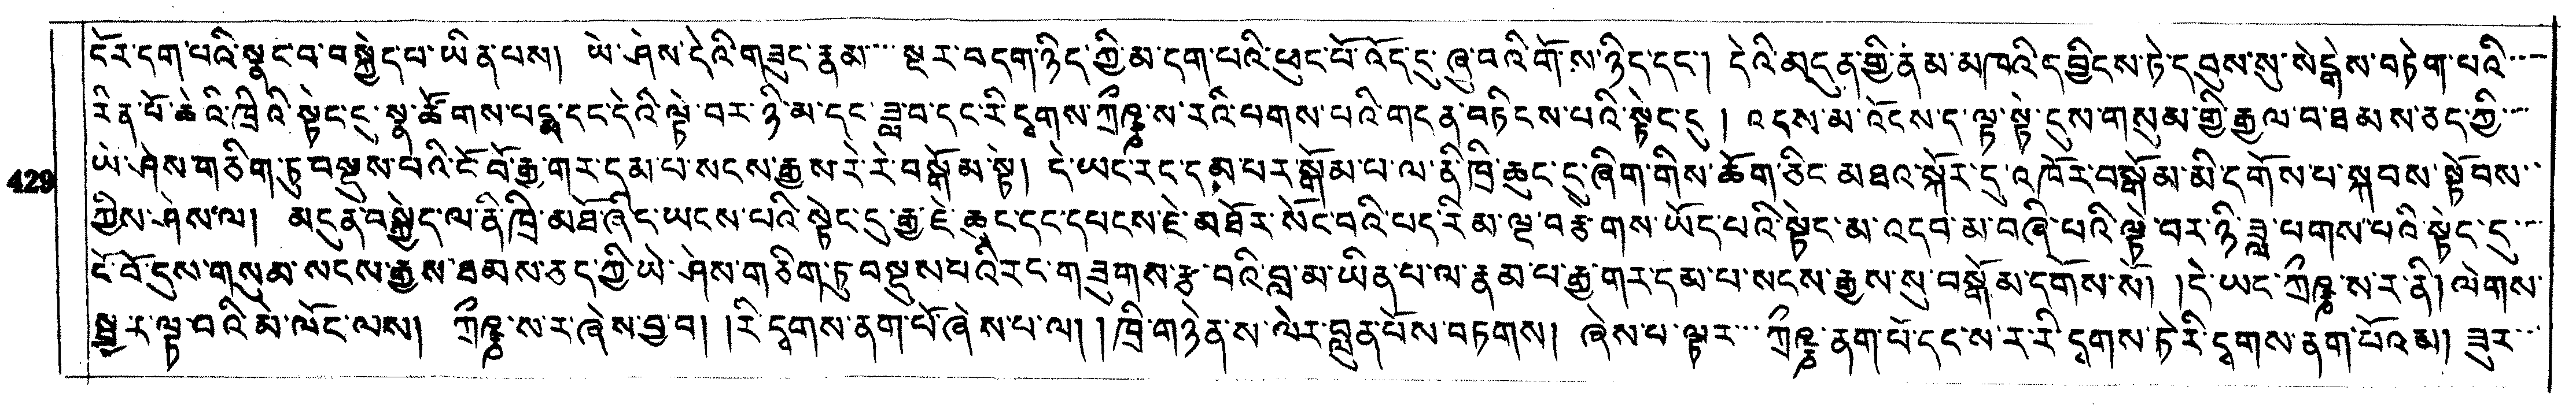ངོར་དག་པའི་སྣང་བ་བསྐྱེད་པ་ཡིན་པས། ཡེ་ཤེས་དེའི་གཟུང་རྣམ་སྔར་བདག་ཉིད་ཀྱི་མ་དག་པའི་ཕུང་པོ་འོད་དུ་ཞུ་བའི་གོ་ས་ཉིད་དང་། དེའི་མདུན་གྱི་ནམ་མཁའི་དབྱིངས་ཏེ་དབུས་སུ་སེངྒེས་བཏེག་པའི་
རིན་པོ་ཆེའི་ཁྲིའི་སྟེང་དུ་སྣ་ཚོགས་པདམ་དང་དེའི་ལྟེ་བར་ཉི་མ་དང་ཟླ་བ་དང་རི་དྭགས་ཀྲྀཥྞ་ས་རའི་པགས་པའི་གདན་བཏིངས་པའི་སྟེང་དུ། འདས་མ་འོངས་ད་ལྟ་སྟེ་དུས་གསུམ་གྱི་རྒྱལ་བ་ཐམས་ཅད་ཀྱི་
ཡེ་ཤེས་གཅིག་ཏུ་བསྡུས་པའི་ངོ་བོ་རྒྱ་གར་དམ་པ་སངས་རྒྱས་རེ་རེ་བསྒོམ་སྟེ། དེ་ཡང་རང་དམ་པར་སྒོམ་པ་ལ་ནི་ཁྲི་ཆུང་དུ་ཞིག་གིས་ཆོག་ཅིང་མཐའ་སྐོར་དུ་འཁོར་བསྒོམ་མི་དགོས་པ་སྐབས་སྟོབས་
ཀྱིས་ཤེས་ལ། མདུན་བསྐྱེད་ལ་ནི་ཁྲི་མཐོ་ཞིང་ཡངས་པའི་སྟེང་དུ་རྒྱ་ཇེ་ཆང་དང་དཔངས་ཇེ་མཐོར་སོང་བའི་པད་རིམ་ལྔ་བརྩགས་ཡོད་པའི་སྟེང་མ་འདབ་མ་བཞི་པའི་ལྟེ་བར་ཉི་ཟླ་པགས་པའི་སྟེང་དུ་
ངོ་བོ་དུས་གསུམ་སངས་རྒྱས་ཐམས་ཅད་ཀྱི་ཡེ་ཤེས་གཅིག་ཏུ་བསྡུས་པའི་རང་གཟུགས་རྩ་བའི་བླ་མ་ཡིན་པ་ལ་ནམ་པ་རྒྱ་གར་དམ་པ་སངས་རྒྱས་སུ་བསྒོམ་དགོས་སོ། །དེ་ཡང་ཀྲྵྞ་ས་ར་ནི། ལེགས་
སྦྱར་ལྟ་བའི་མེ་ལོང་ལས། ཀྲྀཥྞ་ས་ར་ཞེས་བྱ་བ། །རི་དྭགས་ནག་པོ་ཞེས་པ་ལ། །ཁྲི་གཉེན་ས་ལེར་བླུན་པོས་བཏགས། ཞེས་པ་ལྟར་ཀྲྀཥྞ་ནག་པོ་དང་ས་ར་རི་དྭགས་ཏེ་རི་དྭགས་ནག་པོའམ། ཟུར་